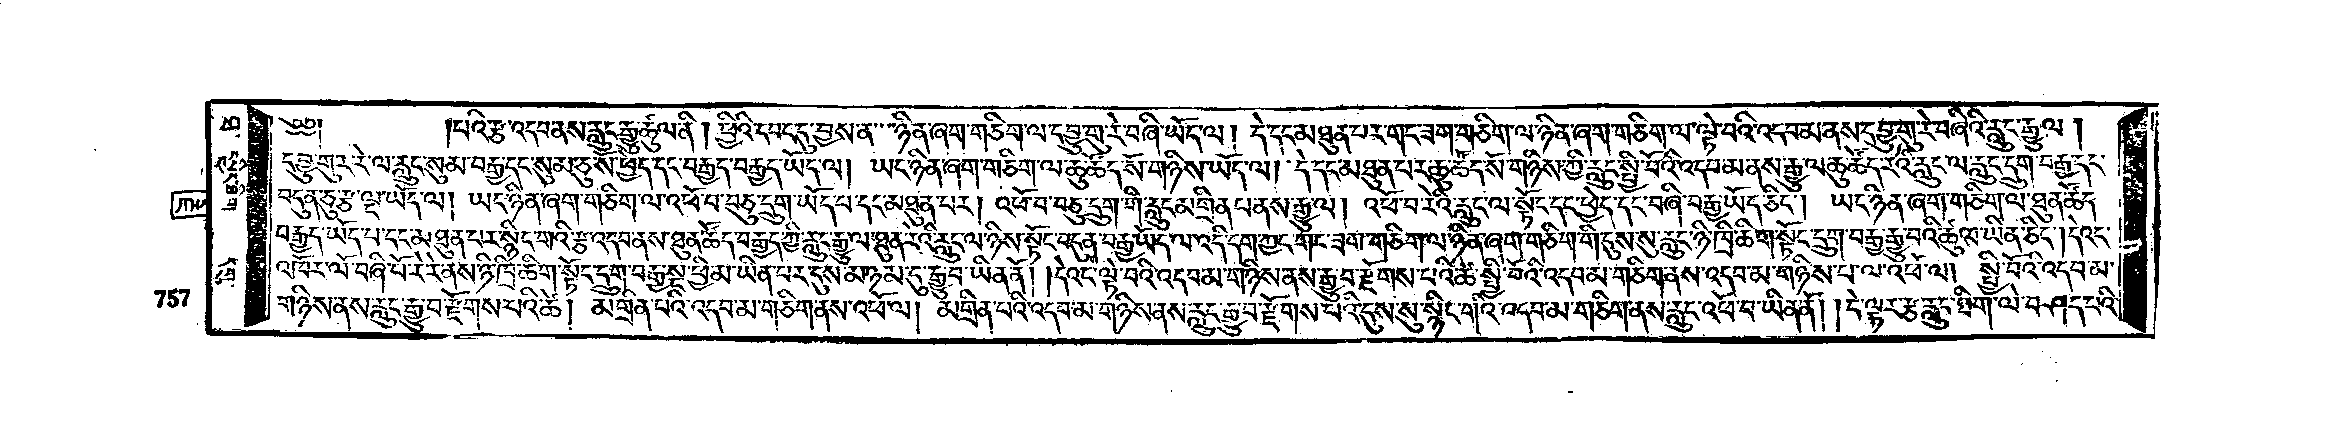༄༅། །པའི་རྩ་འདབ་ནས་རླུང་རྒྱུ་ཚུལ་ནི། ཕྱིའི་དབང་དུ་བྱས་ན་ཉིན་ཞག་གཅིག་ལ་དབྱུ་གུ་རེ་བཞི་ཡོད་ལ། དེ་དང་མཐུན་པར་གང་ཟག་གཅིག་ལ་ཉིན་ཞག་གཅིག་ལ་ལྟེ་བའི་འདབ་མ་ནས་དབྱུ་གུ་རེ་བཞིའི་རླུང་རྒྱུ་ལ།
དབྱུ་གུར་རེ་ལ་རླུང་སུམ་བརྒྱ་དང་སུམ་ཅུ་སོ་ཕྱེད་དང་བརྒྱད་བརྒྱད་ཡོད་ལ། ཡང་ཉིན་ཞག་གཅིག་ལ་ཆུ་ཚོད་སོ་གཉིས་ཡོད་ལ། དེ་དང་མཐུན་པར་ཆུ་ཚོད་སོ་གཉིས་ཀྱི་རླུང་སྤྱི་བོའི་འདབ་མ་ནས་རྒྱུ་ལ་ཆུ་ཚོད་རེའི་རླུང་ལ་རླུང་དྲུག་བརྒྱ་དང་
བདུན་ཅུ་རྩ་ལྔ་ཡོད་ལ། ཡང་ཉིན་ཞག་གཅིག་ལ་འཕོ་བ་བཅུ་དྲུག་ཡོད་པ་དང་མཐུན་པར། འཕོ་བ་བཅུ་དྲུག་གི་རླུང་མགྲིན་པ་ནས་རྒྱུ་ལ། འཕོ་བ་རེའི་རླུང་ལ་སྟོང་དང་ཕྱེད་དང་བཞི་བརྒྱ་ཡོད་ཅིང་། ཡང་ཉིན་ཞག་གཅིག་ལ་ཐུན་ཚོད་
བརྒྱད་ཡོད་པ་དང་མཐུན་པར་སྙིང་གའི་རྩ་འདབ་ནས་ཐུན་ཚོད་བརྒྱད་ཀྱི་རླུང་རྒྱུ་ལ་ཐུན་རེའི་རླུང་ལ་ཉིས་སྟོང་བདུན་བརྒྱ་ཡོད་ལ་འདི་དག་ཀྱང་གང་ཟག་གཅིག་ལ་ཉིན་ཞག་གཅིག་གི་དུས་སུ་རླུང་ཉི་ཁྲི་ཆིག་སྟོང་དྲུག་བརྒྱ་རྒྱུ་བའི་ཚུལ་ཡིན་ཅིང་། དེའང་
འཁོར་ལོ་བཞི་པོ་རེ་རེ་ནས་ཉི་ཁྲི་ཆིག་སྟོང་དྲུག་བརྒྱ་སྔ་ཕྱི་མ་ཡིན་པར་དུས་མཉམ་དུ་རྒྱུ་བ་ཡིན་ནོ། །དེའང་ལྟེ་བའི་འདབ་མ་གཉིས་ནས་རྒྱུ་བ་རྫོགས་པའི་ཚེ་སྤྱི་བོའི་འདབ་མ་གཅིག་ནས་འདབ་མ་གཉིས་པ་ལ་འཕོ་ལ། སྤྱི་བོའི་འདབ་མ་
གཉིས་ནས་རླུང་རྒྱུ་བ་རྫོགས་པའི་ཚེ། མགྲིན་པའི་འདབ་མ་གཅིག་ནས་འཕོ་ལ། མགྲིན་པའི་འདབ་མ་གཉིས་ནས་རླུང་རྒྱུ་བ་རྫོགས་པའི་དུས་སུ་སྙིང་གའི་འདབ་མ་གཅིག་ནས་རླུང་འཕོ་བ་ཡིན་ནོ། །དེ་ལྟར་རྩ་རླུང་ཐིག་ལེ་བཤད་པའི་